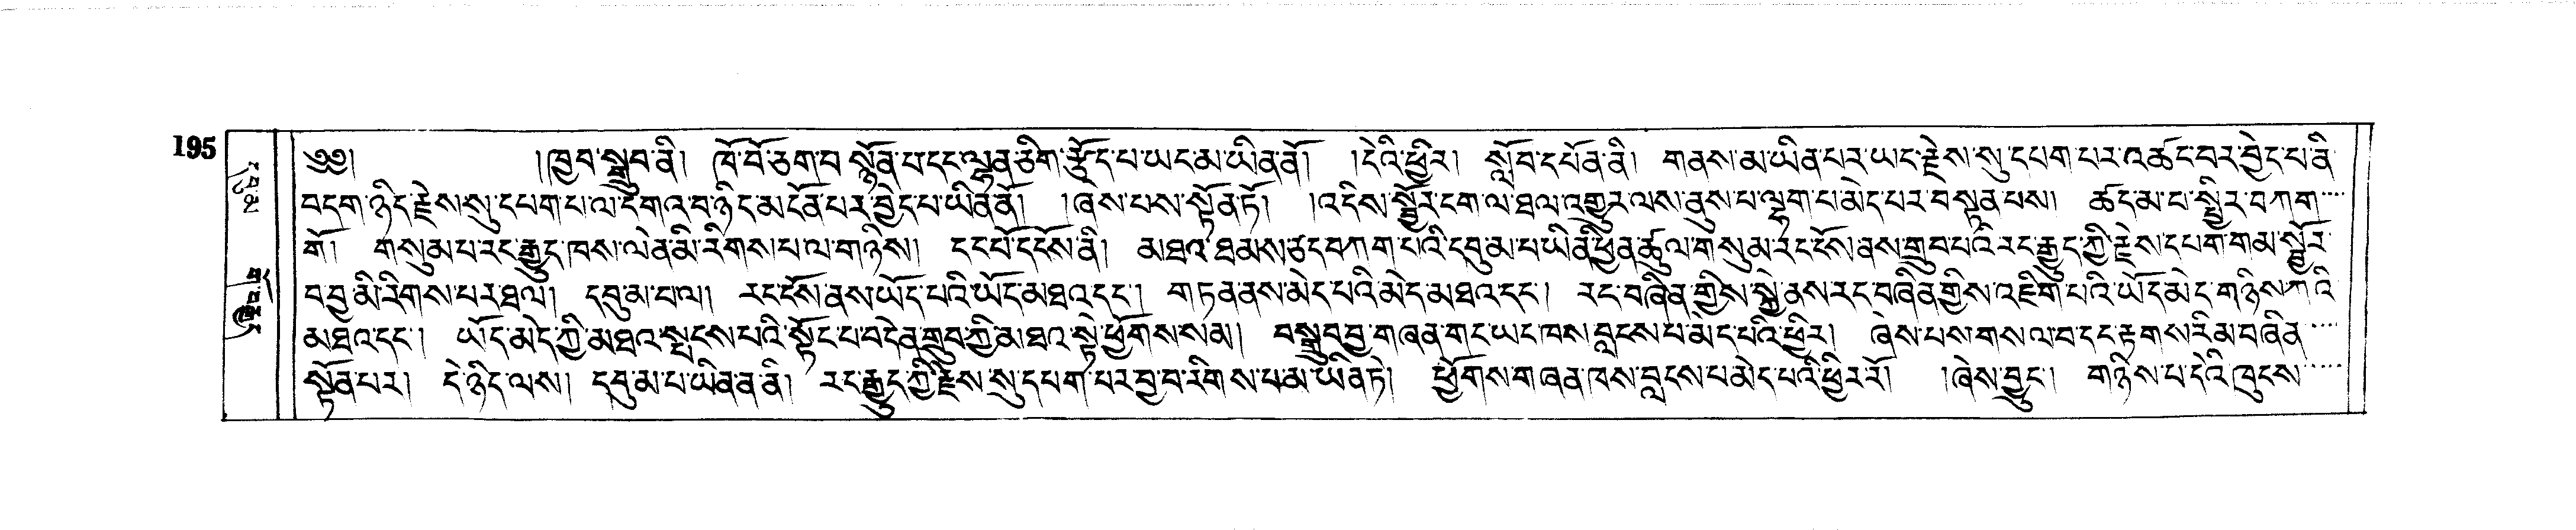༄༅། །ཁྱབ་སྒྲུབ་ནི། ཁོ་བོ་ཅག་བསྙོན་པ་དང་ལྷན་ཅིག་རྩོད་པ་ཡང་མ་ཡིན་ནོ། །དེའི་ཕྱིར། སློབ་དཔོན་ནི། གནས་མ་ཡིན་པར་ཡང་རྗེས་སུ་དཔག་པར་འཚང་བར་བྱེད་པ་ནི་
བདག་ཉིད་རྗེས་སུ་དཔག་པ་ལ་དགའ་བ་ཉིད་མངོན་པར་བྱེད་པ་ཡིན་ནོ། །ཞེས་པས་སྟོན་ཏོ། །འདིས་སྦྱོར་ངག་ལ་ཐལ་འགྱུར་ལས་ནུས་པ་ལྷག་པ་མེད་པར་བསྟན་པས། ཚད་མ་པ་སྤྱིར་བཀག་
གོ། གསུམ་པ་རང་རྒྱུད་ཁས་ལེན་མི་རིགས་པ་ལ་གཉིས། དང་པོ་དངོས་ནི། མཐའ་ཐམས་ཅད་བཀག་པའི་དབུ་མ་པ་ཡིན་ཕྱིན་ཚུལ་གསུམ་རང་ངོས་ནས་གྲུབ་པའི་རང་རྒྱུད་ཀྱི་རྗེས་དཔག་གམ་སྦྱོར་
བ་བྱ་མི་རིགས་པར་ཐལ། དབུ་མ་པ་ལ། རང་ངོས་ནས་ཡོད་པའི་ཡོད་མཐའ་དང་། གཏན་ནས་མེད་པའི་མེད་མཐའ་དང་། རང་བཞིན་གྱིས་སྐྱེ་ནས་རང་བཞིན་གྱིས་འཇིག་པའི་ཡོད་མེད་གཉིས་ཀའི་
མཐའ་དང་། ཡོད་མེད་ཀྱི་མཐའ་སྤངས་པའི་སྟོང་པ་བདེན་གྲུབ་ཀྱི་མཐའ་སྟེ་ཕྱོགས་སམ། བསྒྲུབ་བྱ་གཞན་གང་ཡང་ཁས་བླངས་པ་མེད་པའི་ཕྱིར། ཞེས་པས་གསལ་བ་དང་རྟགས་རིམ་བཞིན་
སྟོན་པར། དེ་ཉིད་ལས། དབུ་མ་པ་ཡིན་ན་ནི། རང་རྒྱུད་ཀྱི་རྗེས་སུ་དཔག་པར་བྱ་བ་རིགས་པ་མ་ཡིན་ཏེ། ཕྱོགས་གཞན་ཁས་བླངས་པ་མེད་པའི་ཕྱིར་རོ། །ཞེས་བྱུང་། གཉིས་པ་དེའི་ཁུངས་